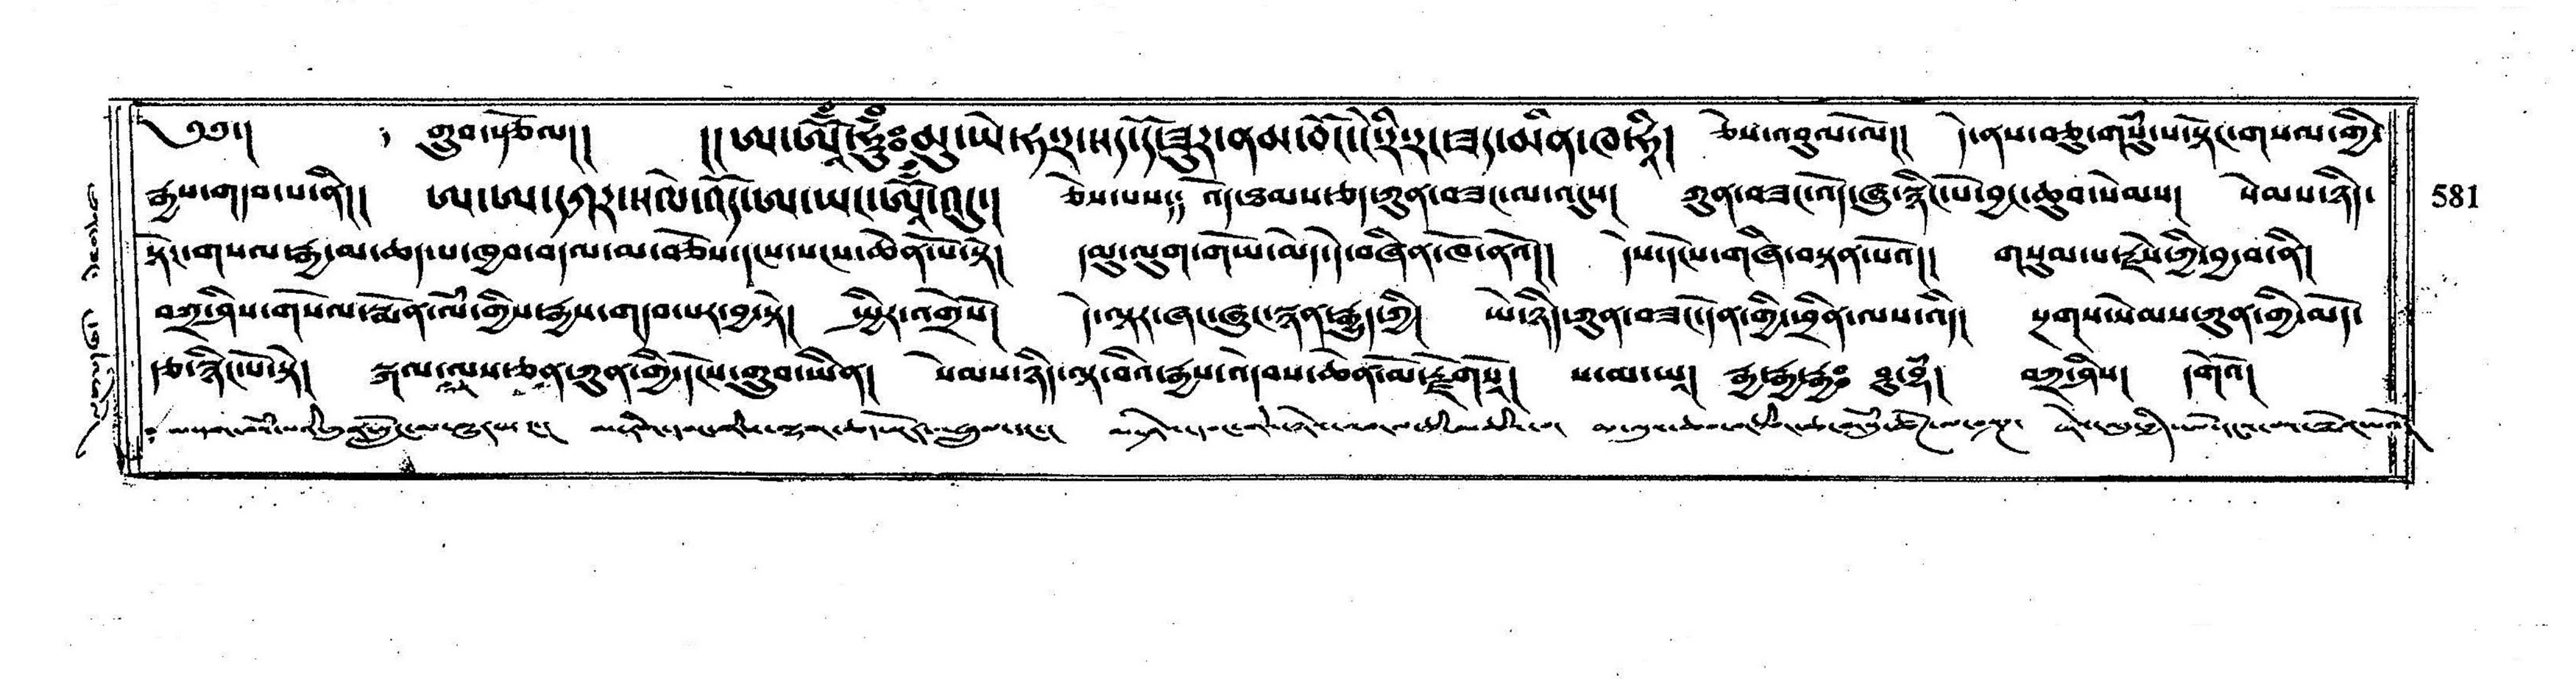གྲུབ་སྩོལ།། །།ཨ་ཨཱོཾ་ཧཱུྃཿམུ་ཡེ་ཧ་ར་སད་དོ་ཟུར་ནམ་བོང་ངེ་རི་རང་ཟད་མིན་ཁ་ཧཱི། ཅེས་འབུལ་ལོ།། དེ་ནས་བཅུ་གསུམ་པ་སྟོང་གསལ་གྱི་
རྒྱས་གདབ་པ་ནི།། ཨ་ཨ་དཀར་སལེ་འོད་ཨ་ཡང་ཨཱོཾ་འདུ། ཅེས་པས།། འོད་ཐམས་ཅད་ཀུན་བཟང་ལ་འདུས། ཀུན་བཟང་འོད་ཞུ་སྙིང་པོ་བྱང་ཆུབ་སེམས། སེམས་ཉིད་
སྟོང་གསལ་རྒྱ་མ་ཆད་པ་ཁྱབ་བདལ་མ་བཅོས་དངས་སངས་ཆེན་པོ་སྟེ། དམུ་ལུག་གཡོ་མེད་དེ་བཞིན་ཁོ་ནའོ།། དེས་དངོས་གཞི་བསྟན་པའོ།། གསུམ་པ་རྗེས་ཀྱི་བྱ་བ་ནི། 
བཀྲ་ཤིས་གསོལ་སྨོན་ལམ་གྱིས་རྒྱས་གདབ་པར་བྱ་སྟེ། སྤྱིར་འགྲེས་སོ། དེ་ལྟར་ཞང་ཞུང་སྙན་རྒྱུད་ཀྱི། ཡེ་ཉིད་ཀུན་བཟང་དོན་གྱི་ཕྲིན་ལས་འདི། སྔགས་སེམས་ཀུན་གྱི་མདོ་
རྩ་སྙིང་པོ་སྟེ། སྐལ་ལྡན་ལས་ཅན་ཀུན་གྱི་དངོས་གྲུབ་ཡིན། སེམས་ཉིད་ལྟ་བའི་རྒྱས་འདེབས་ཆེན་མོ་རྫོགས་སོ། ས་མ་ཡཱ། རྒྱ་རྒྱ་རྒྱཿ ཤུ་བྷཾ། བཀྲ་ཤིས། དགེའོ། 
མ་དག་བསམ་པའི་ཀུན་སློང་མ་གྱུར་ཡང་། མ་རིག་དབང་གིས་ལྷག་ཆད་ནོར་འཁྲུལ་དང་། མ་ཤེས་དབང་གིས་ཉེས་འགལ་ཅི་མཆིས་པ། མ་ལུས་ཆབ་གཅིག་རྩ་གསུམ་ཚོགས་ལ་བཤགས། ཞེས་འདུ་བྱེད་པོས་དངས་པས་སྨོན་པའོ།།